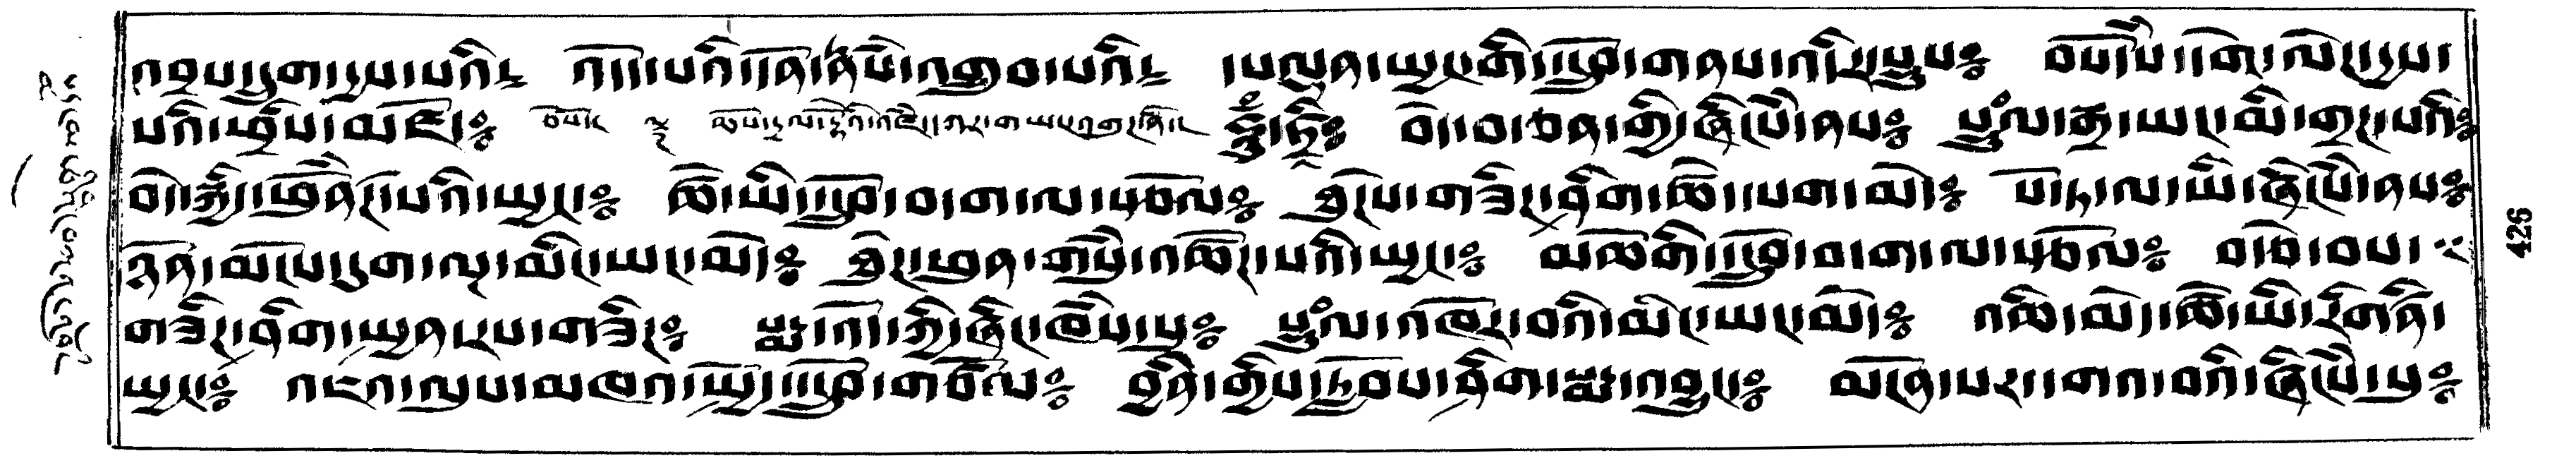འབྲས་དྲུག་རྒྱས་པའི༴ འདོད་པའི་དོན་རྣམས་འགྲུབ་པའི༴ དཔལ་ལྡན་གཡང་གི་དངོས་གྲུབ་གནས་འདིར་སྡུས༔ བསོད་ནམས་དགེ་ལེགས་རྒྱས་
པའི་ཕྲིན་ལས་མཛོད༔ ཅེས་སོ། ༈ ཆོས་རྒྱལ་རྡོ་རྗེའི་ཛམ་དཀར་གཡང་འགུགས་ནི། ཧཱུྃ་ཧྲཱིཿ བདེ་བ་ཅན་གྱི་ཞིང་ཁམས་ནས༔ སྡུག་བསྔལ་སྒྲ་ཡང་མི་གྲགས་པའི༔ 
བདེ་སྐྱིད་ཕུན་སུམ་ཚོགས་པའི་གཡང༔ ཚེ་ཡི་དངོས་གྲུབ་བདག་ལ་སྩོལ༔ ཐུགས་རྗེ་གཟིགས་ཤིག་ཚེ་དཔག་མེད༔ པོ་ཏ་ལ་ཡི་ཞིང་ཁམས་ནས༔ 
ཉོན་མོངས་དུག་ལྔའི་མིང་ཡང་མེད༔ ཐུགས་རྗེ་ཕུན་སུམ་ཚོགས་པའི་གཡང༔ མཆོག་གི་དངོས་གྲུབ་བདག་ལ་སྩོལ༔ བརྩེ་བས་
གཟིགས་ཤིག་སྤྱན་རས་གཟིགས༔ པདྨ་འོད་ཀྱི་ཞིང་ཁམས་སུ༔ སྡུག་བསྔལ་འཁོར་བའི་མིང་ཡང་མེད༔ འཆི་མེད་ཚེ་ཡི་རིག་འཛིན་
གཡང༔ འཇའ་ལུས་མཁའ་སྤྱོད་དངོས་གྲུབ་སྩོལ༔ བྱིན་གྱིས་རློབས་ཤིག་པདྨ་འབྱུང༔ མངོན་པར་དགའ་བའི་ཞིང་ཁམས་སུ༔